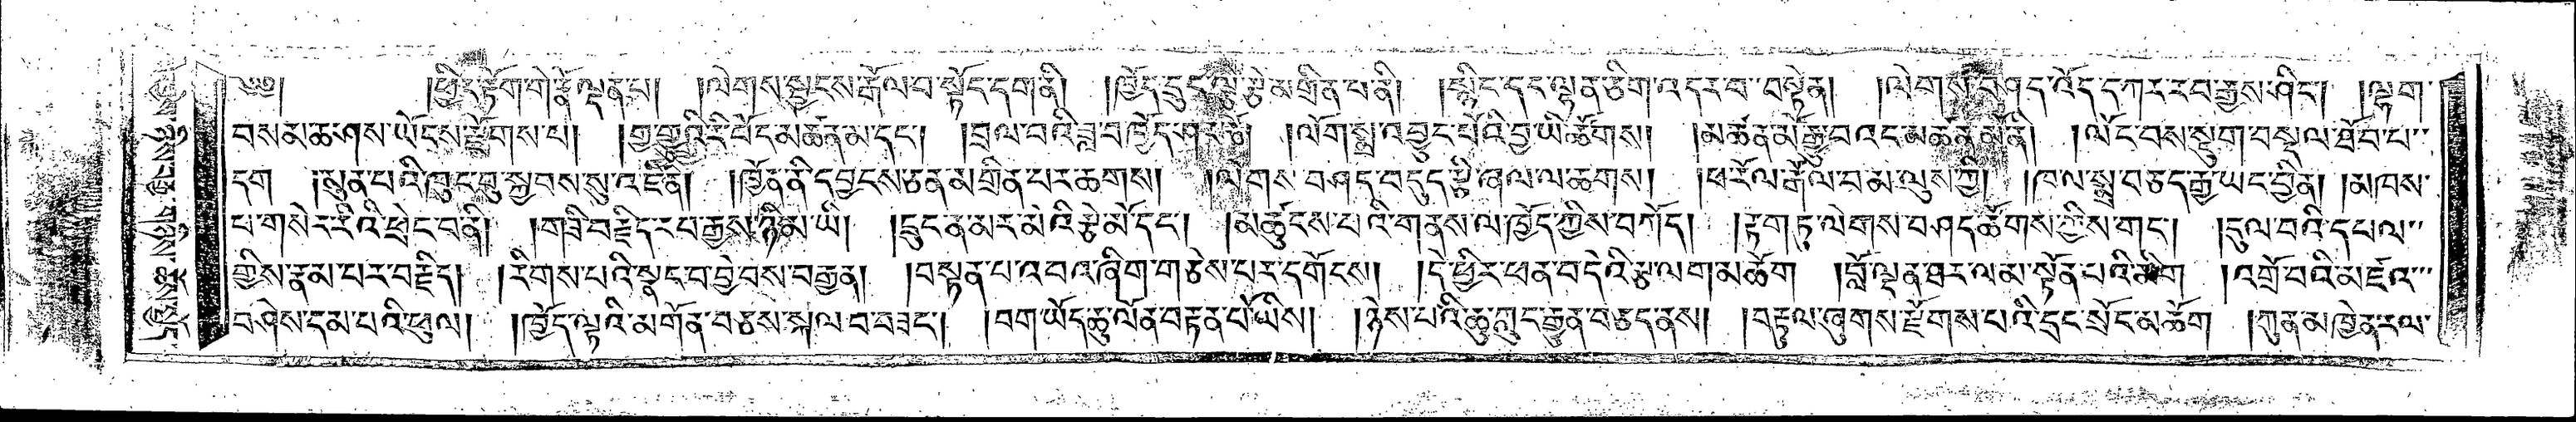༄༅། །ཕྱིར་རྟོག་གེ་རྣོ་ལྡན་པ། །ལེགས་སྦྱངས་རྒོལ་བ་སྟོང་དག་ནི། །ཁྱོད་དྲུང་ལྕེ་རྩེ་མགྲིན་པ་ནི། །སྙིང་དང་ལྷན་ཅིག་འདར་བ་བསྟེན། །ལེགས་བཤད་འོད་དཀར་རབ་རྒྱས་ཤིང་། །ལྷག་
བསམ་ཆ་ཤས་ཡོངས་རྫོགས་པ། །གྱ་གྱུའི་རི་བོང་མཚན་མ་དང་། །བྲལ་བའི་ཟླ་བ་ཁྱོད་ཤར་ཚེ། །ལོག་སྨྲ་འབྱུང་པོའི་བྱ་ཡི་ཚོགས། །མཚན་མོ་རྒྱུ་བའང་མཚན་མོ་ནི། །ལོང་བས་སྡུག་བསྔལ་ཐོབ་པ་
དག ༑མུན་པའི་ཁུང་བུ་སྐྱབས་སུ་འཛིན། །ཁྱོན་ནི་དབྱངས་ཅན་མགྲིན་པར་ཆགས། །ལེགས་བཤད་བདུད་རྩི་ཞལ་ལ་ཆགས། །ཕ་རོལ་རྒོལ་བ་མ་ལུས་ཀྱི། །ཁ་ལ་སྨྲ་བཅད་རྒྱ་ཡང་བྱིན། །མཁས་
པ་གསེར་རིའི་ཕྲེང་བ་ནི། །གཟི་བརྗིད་རབ་རྒྱས་ཉི་མ་ཡི། །དྲུང་ན་མར་མེའི་རྩེ་མོ་དང་། །མཚུངས་པའི་གནས་ལ་ཁྱོད་ཀྱིས་བཀོད། །རྟག་ཏུ་ལེགས་བཤད་ཚོགས་ཀྱིས་གང་། །དུལ་བའི་དཔལ་
གྱིས་རྣམ་པར་བརྗིད། །རིགས་པའི་སྣང་བ་བྱེ་བས་བརྒྱན། །བསྟན་པ་འབའ་ཞིག་གཅེས་པར་དགོངས། །དེ་ཕྱིར་ཕན་བདེའི་རྩ་ལག་མཆོག །བློ་ལྡན་ཐར་ལམ་སྟོན་པའི་མིག །འགྲོ་བའི་མཛའ་
བཤེས་དམ་པའི་ཕུལ། །ཁྱོད་ལྟའི་མགོན་བཅས་སྐལ་བ་བཟང་། །བག་ཡོད་ཆུ་ལོན་བརྟན་པོ་ཡིས། །ཉེས་པའི་ཆུ་ཀླུང་རྒྱུན་བཅད་ནས། །བརྟུལ་ཞུགས་རྫོགས་པའི་དྲང་སྲོང་མཆོག །ཀུན་མཁྱེན་རལ་